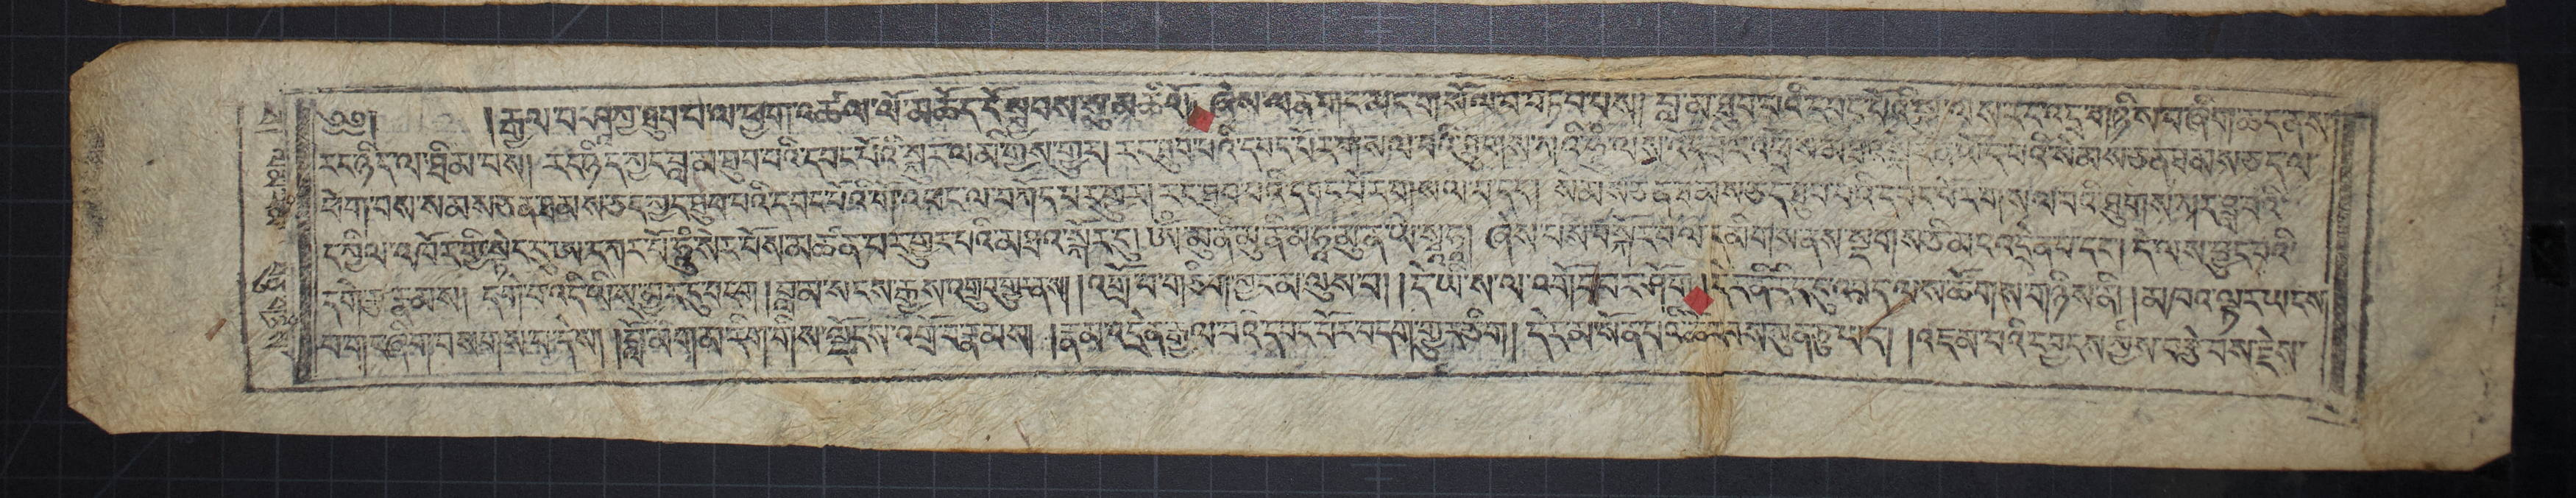༄༅། །རྒྱལ་བ་ཤཱཀྱ་ཐུབ་པ་ལ་ཕྱག་འཚལ་ལོ་མཆོད་དོ་སྐྱབས་སུ་མཆིའོ། །ཞེས་ལན་གང་མང་གསོལ་བ་བཏབ་པས། བླ་མ་ཐུབ་པའི་དབང་པོའི་སྐུ་ལས་རང་འདྲ་གཉིས་པ་ཞིག་ཆད་ནས་
རང་ཉིད་ལ་ཐིམ་པས། རང་ཉིད་ཀྱང་བླ་མ་ཐུབ་པའི་དབང་པོའི་སྐུར་ལམ་གྱིས་གྱུར། རང་ཐུབ་པའི་དབང་པོར་གསལ་བའི་ཐུགས་ཀའི་ཧཱུཾ་ལས་འོད་ཟེར་འཕྲོས་མཐའ་སྐོར་ན་ཡོད་པའི་སེམས་ཅན་ཐམས་ཅད་ལ་
ཕོག་པས་སེམས་ཅན་ཐམས་ཅད་ཀྱང་ཐུབ་པའི་དབང་པོའི་གོ་འཕང་ལ་བཀོད་པར་གྱུར། རང་ཐུབ་པའི་དབང་པོར་གསལ་བ་དང་། སེམས་ཅན་ཐམས་ཅད་ཐུབ་པའི་དབང་པོར་གསལ་བའི་ཐུགས་ཀར་ཟླ་བའི་
དཀྱིལ་འཁོར་གྱི་སྟེང་དུ་ཨ་དཀར་པོ་ཧཱུཾ་སེར་པོས་མཚན་པར་གྱུར་པའི་མཐའ་སྐོར་དུ། ཨོཾ་མུ་ནི་མུ་ནི་མ་ཧཱ་མུ་ན་ཡེ་སྭཱ་ཧཱ། ཞེས་པས་བསྐོར་བ་ལ་དམིགས་ནས་སྔགས་ཅི་མང་འདྲེན་པ་དང་། དེ་ལས་བྱུང་བའི་
དགེ་རྩ་རྣམས། དགེ་བ་འདི་ཡིས་མྱུར་དུ་བདག །བླ་མ་སངས་རྒྱས་འགྲུབ་གྱུར་ནས། །འགྲོ་བ་གཅིག་ཀྱང་མ་ལུས་པ། །དེ་ཡི་ས་ལ་འགོད་པར་ཤོག །དེར་ནི་རིང་དུ་འབད་ལས་ཚོགས་གཉིས་ནི། །མཁའ་ལྟར་ཡངས་
པ་གང་ཞིག་བསགས་པ་དེས། །བློ་མིག་མ་རིག་གིས་ལྡོངས་འགྲོ་བ་རྣམས། །རྣམ་འདྲེན་རྒྱལ་བའི་དབང་པོར་བདག་གྱུར་ཅིག །དེར་མ་སོན་པའི་ཚེ་རབས་ཀུན་ཏུ་ཡང་། །འཇམ་པའི་དབྱངས་ཀྱིས་བརྩེ་བས་རྗེས་